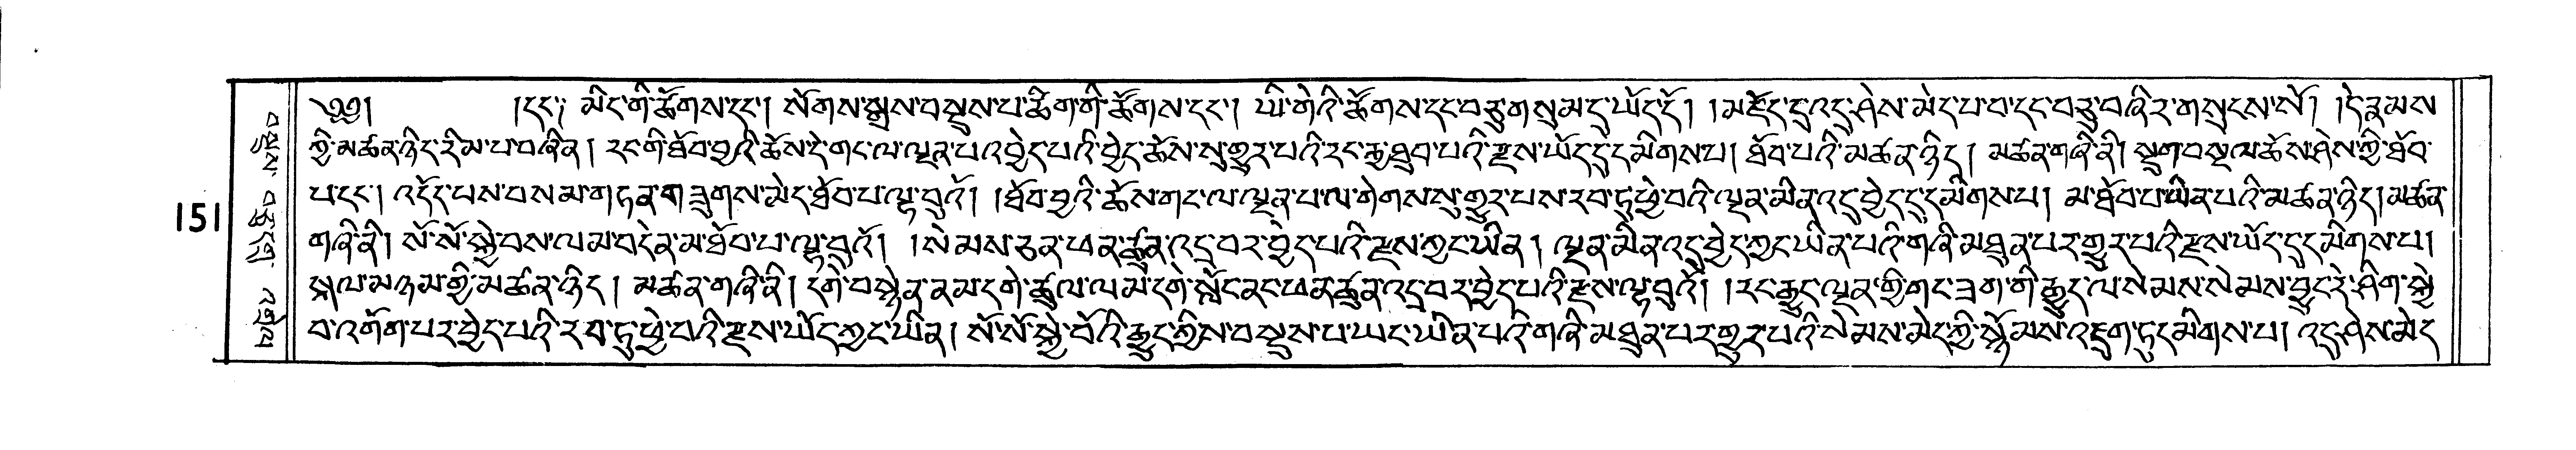༄༅། །དང༑ མིང་གི་ཚོགས་དང་། སོགས་སྒྲས་བསྡུས་པ་ཚིག་གི་ཚོགས་དང་། ཡི་གེའི་ཚོགས་དང་བཅུ་གསུམ་དུ་ཡོད་དོ། །མཛོད་དུ་འདུ་ཤེས་མེད་པ་བ་དང་བཅུ་བཞིར་གསུངས་སོ། །དེ་རྣམས་
ཀྱི་མཚན་ཉིད་རིམ་པ་བཞིན། རང་གི་ཐོབ་བྱའི་ཆོས་དེ་གང་ལ་ལྡན་པ་འབྱེད་པའི་བྱེད་ཆོས་སུ་གྱུར་པའི་རང་རྒྱ་ཐུབ་པའི་རྫས་ཡོད་དུ་དམིགས་པ། ཐོབ་པའི་མཚན་ཉིད། མཚན་གཞི་ནི། སྡུག་བསྔལ་ཆོས་ཤེས་ཀྱི་ཐོབ་
པ་དང་། འདོད་པས་བསམ་གཏན་གཟུགས་མེད་ཐོབ་པ་ལྟ་བུའོ། །ཐོབ་བྱའི་ཆོས་གང་ལ་ལྡན་པ་ལ་གེགས་སུ་གྱུར་པས་རབ་ཏུ་ཕྱེ་བའི་ལྡན་མིན་འདུ་བྱེད་དུ་དམིགས་པ། མ་ཐོབ་པ་ཡིན་པའི་མཚན་ཉིད། མཚན་
གཞི་ནི། སོ་སོ་སྐྱེ་བས་ལམ་བདེན་མ་ཐོབ་པ་ལྟ་བུའོ། །སེམས་ཅན་ཕན་ཚུན་འདྲ་བར་བྱེད་པའི་རྫས་ཀྱང་ཡིན། ལྡན་མིན་འདུ་བྱེད་ཀྱང་ཡིན་པའི་གཞི་མཐུན་པར་གྱུར་པའི་རྫས་ཡོད་དུ་དམིགས་པ།
སྐལ་མཉམ་གྱི་མཚན་ཉིད། མཚན་གཞི་ནི། དགེ་བསྙེན་ནམ་དགེ་ཚུལ་ལམ་དགེ་སློང་ནང་ཕན་ཚུན་འདྲ་བར་བྱེད་པའི་རྫས་ལྟ་བུའོ། །རང་རྒྱུད་ལྡན་གྱི་གང་ཟག་གི་རྒྱུད་ལ་སེམས་སེམས་བྱུང་རེ་ཤིག་སྐྱེ་
བ་འགོག་པར་བྱེད་པའི་རབ་ཏུ་ཕྱེ་བའི་རྫས་ཡོད་ཀྱང་ཡིན། སོ་སོ་སྐྱེ་བོའི་རྒྱུད་ཀྱིས་བསྡུས་པ་ཡང་ཡིན་པའི་གཞི་མཐུན་པར་གྱུར་པའི་སེམས་མེད་ཀྱི་སྙོམས་འཇུག་ཏུ་དམིགས་པ། འདུ་ཤེས་མེད་